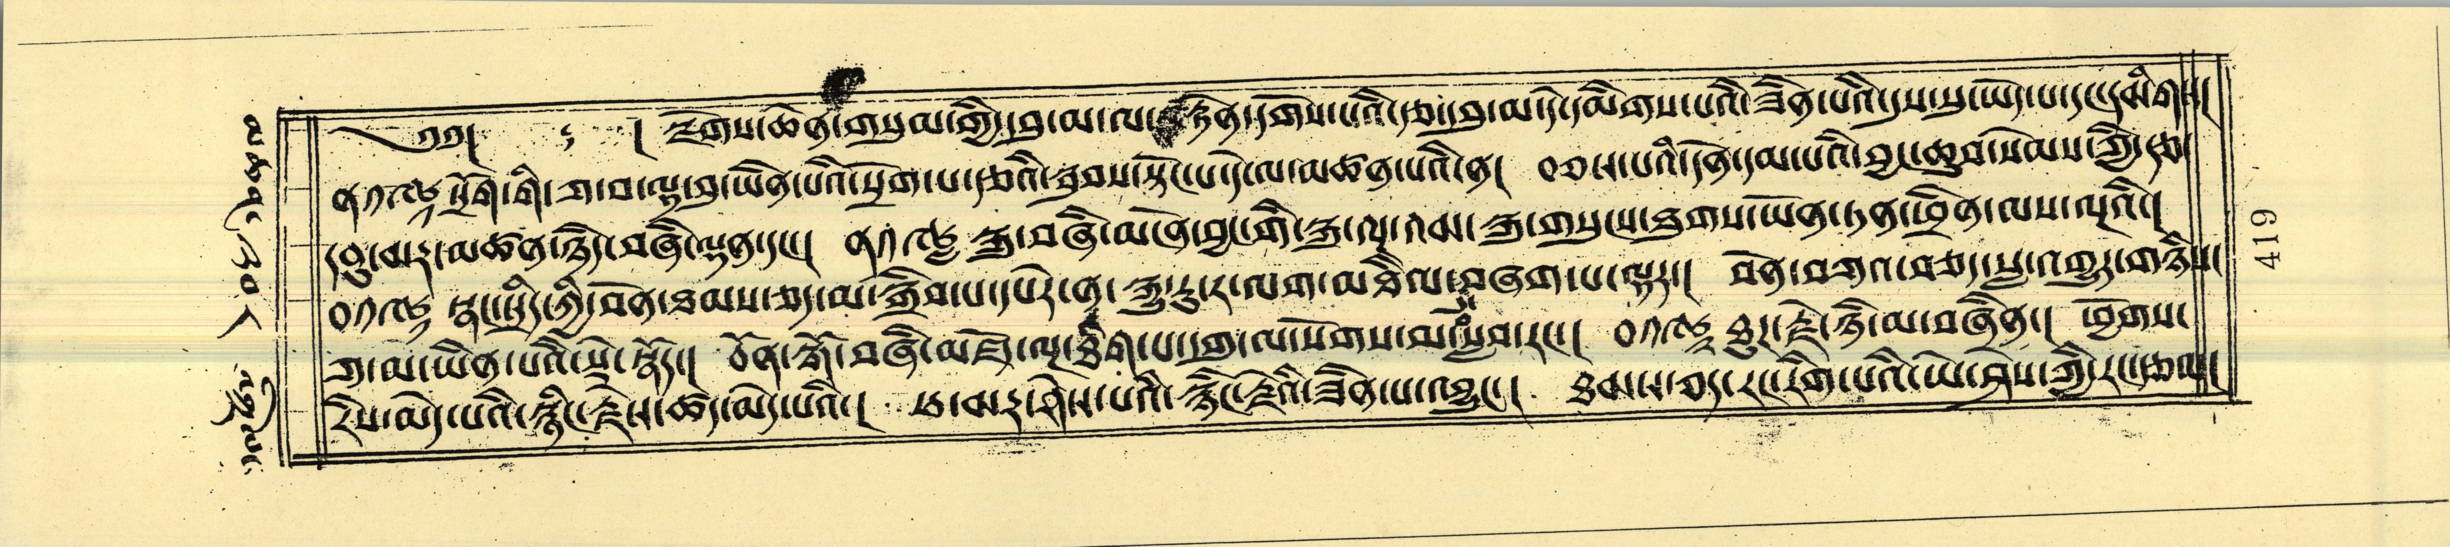རྫོགས་ཆེན་གསུམ་གྱི་དབུ་མ་ལ་བརྟེན་དགོས་པའི་རྩ་དབུ་མ་དེ་དམིགས་པའི་ཟིན་པའི་དུས་སུ་ཡོད་པ་དང་དམིགས
ན༡༩༦།༡སྲོག་གི་ཀ་བ་ལྟ་བུ་ཡིན་པའི་སྲོག་པ་རྩའི་སྦུབས་སྟོང་པ་དེ་ལ་མཚན་པས་ན་ བཅས་པའི་དོན་དམ་པའི་བྱང་ཆུབ་སེམས་ཀྱི་རྩ་
དབུ་མར་མཚན་ཉིད་བཞི་ལྡན་དང་ ན༡༩༦།༤སྐུ་བཞི་མངོན་བྱང་གི་སྐུ་ལྔ་འམ་སྐུ་གསུང་ཐུགས་ཡོན་ཏན་ཕྲིན་ལས་ལྔའི་
བ༡༩༦།༡སྣང་སྲིད་ཀྱི་བོན་ཐམས་ཅད་མ་བསྒྲིབས་པ་དཔེར་ན། སྐྱུ་རུ་ར་ལག་མཐིལ་དུ་བཞག་པ་ལྟར། བོན་བཀའ་བཅད་སླ་འགྱུར་གཉིས་
ཀ་མ་ཡིན་པའི་སྡེ་སྣོད་ བོན་སྒོ་བཞིོ་མཛོད་ལྔ་ཐེག་པ་དགུ་ལ་སོགས་མ་བསླབ་རང་ བ༡༩༦།༢ཐུགས་རྗེ་ཉི་མ་བཞིན། ཕྱོགས་
རིས་མེད་པའི་སྙིང་རྗེས་ཚད་མེད་པའི་ ཕ་མར་ཤེས་པའི་སྙིང་རྗེའི་ཟིན་པ་འབྱུང་ ཐམས་ཅད་རང་རིག་པའི་ཡེ་ཤེས་ཀྱི་རང་རྩལ་